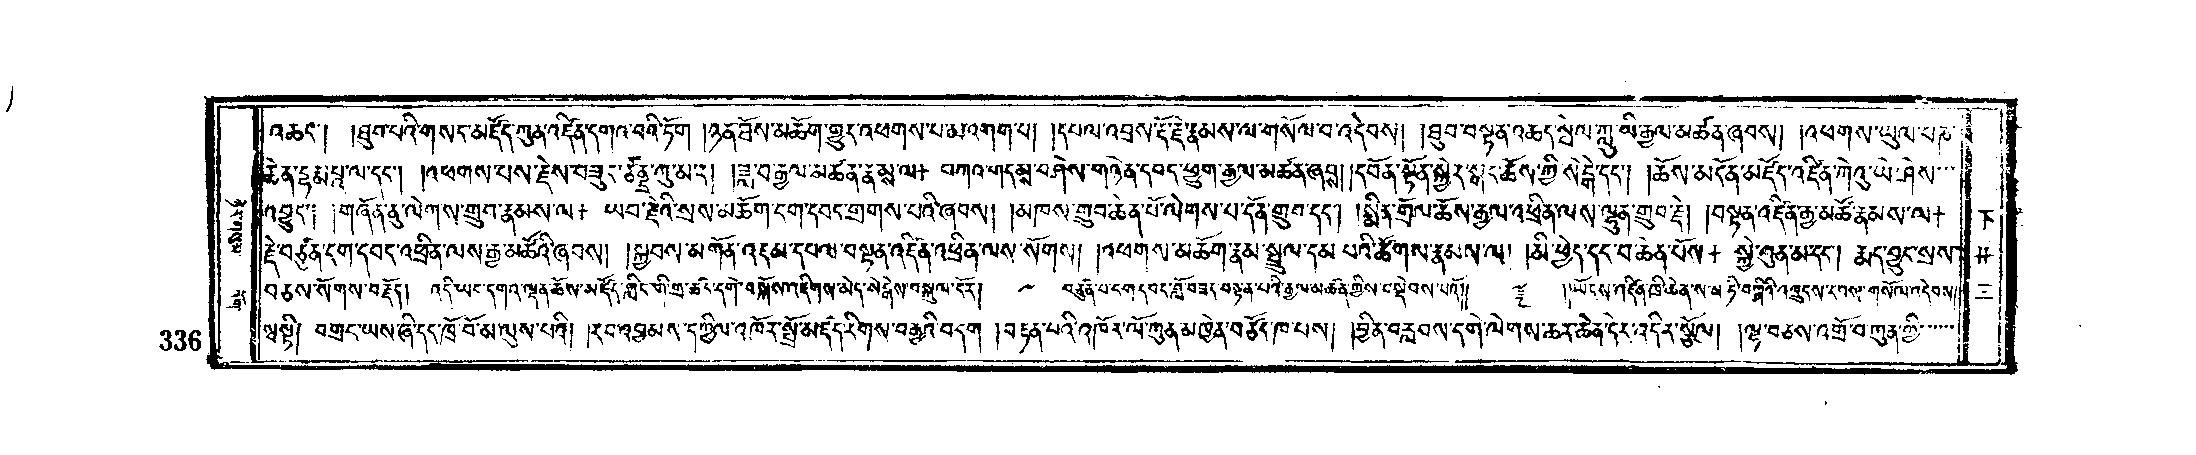འཆང་། །ཐུབ་པའི་གསང་མཛོད་ཀུན་འཛིན་དགའ་བའི་ཏོག །ཉན་ཐོས་མཆོག་གྱུར་འཕགས་པ་མ་འགག་པ། །དཔལ་འབྲས་རྡོ་རྗེ་རྣམས་ལ་གསོལ་བ་འདེབས། །ཐུབ་བསྟན་འཆད་སྤེལ་ཀླུ་ཡི་རྒྱལ་མཚན་ཞབས། །འཕགས་ཡུལ་པཎ་
ཆེན་དྷ་རྨ་པཱ་ལ་དང་། །འཕགས་པས་རྗེས་བཟུང་ཙནྡྲ་ཀུ་མ་ར། །ཟླ་བ་རྒྱལ་མཚན་རྣམས་ལ་+་བཀའ་གདམས་བཤེས་གཉེན་དབང་ཕྱུག་རྒྱལ་མཚན་ཞབས། །དབོན་སྟོན་སྐྱེར་སྒང་ཆོས་ཀྱི་སེངྒེ་དང་། །ཆོས་མངོན་མཛོད་འཛིན་ཀེའུ་ཡེ་ཤེས་
འབྱུང་། །གཞོན་ནུ་ལེགས་གྲུབ་རྣམས་ལ་+་ཡབ་རྗེའི་སྲས་མཆོག་ངག་དབང་གྲགས་པའི་ཞབས། །མཁས་གྲུབ་ཆེན་པོ་ལེགས་པ་དོན་གྲུབ་དང་། །སྨིན་གྲོལ་ཆོས་རྒྱལ་འཕྲིན་ལས་ལྷུན་གྲུབ་རྗེ། །བསྟན་འཛིན་རྒྱལ་མཚོ་རྣམས་ལ་+
རྗེ་བཙུན་ངག་དབང་འཕྲིན་ལས་རྒྱ་མཚོའི་ཞབས། །སྐྱབས་མགོན་འཇམ་དཔལ་བསྟན་འཛིན་འཕྲིན་ལས་སོགས། །འཕགས་མཆོག་རྣམ་སྤྲུལ་དམ་པའི་ཚོགས་རྣམས་ལ། །མི་ཕྱེད་དང་བ་ཆེན་པོས་+་སྐྱེ་ཀུན་མ་དང་། རྨད་བྱུང་སྲས་
བཅས་སོགས་བརྗོད། འདི་ཡང་དགའ་ལྡན་ཆོས་མཛོད་གླིང་གི་གྲ་ཚང་དགེ་བསྐོས་འཇིགས་མེད་སེངྒེས་བསྐུལ་ངོར། ༧་བཙུན་པ་ངག་དབང་བློ་བཟང་བསྟན་པའི་རྒྱལ་མཚན་གྱིས་བསྡེབས་པའོ།། ༈ །།ཡོངས་འཛིན་ཁྲི་ཆེན་ས་མ་ཏི་བཀྴིའི་འཁྲུངས་རབས་གསོལ་འདེབས།
སྭ་སྟི། བགྲང་ཡས་ཞི་དང་ཁྲོ་བོ་མ་ལུས་པའི། །རབ་འབྱམས་དཀྱིལ་འཁོར་སྤྲོ་མཛད་རིགས་བརྒྱའི་བདག །བརྟན་པའི་འཁོར་ལོ་ཀུན་མཁྱེན་བཙོང་ཁ་པས། །བྱིན་བརླབས་དགེ་ལེགས་ཆར་ཆེན་དེར་འདིར་སྩོལ། །ལྷ་བཅས་འགྲོ་བ་ཀུན་གྱི་